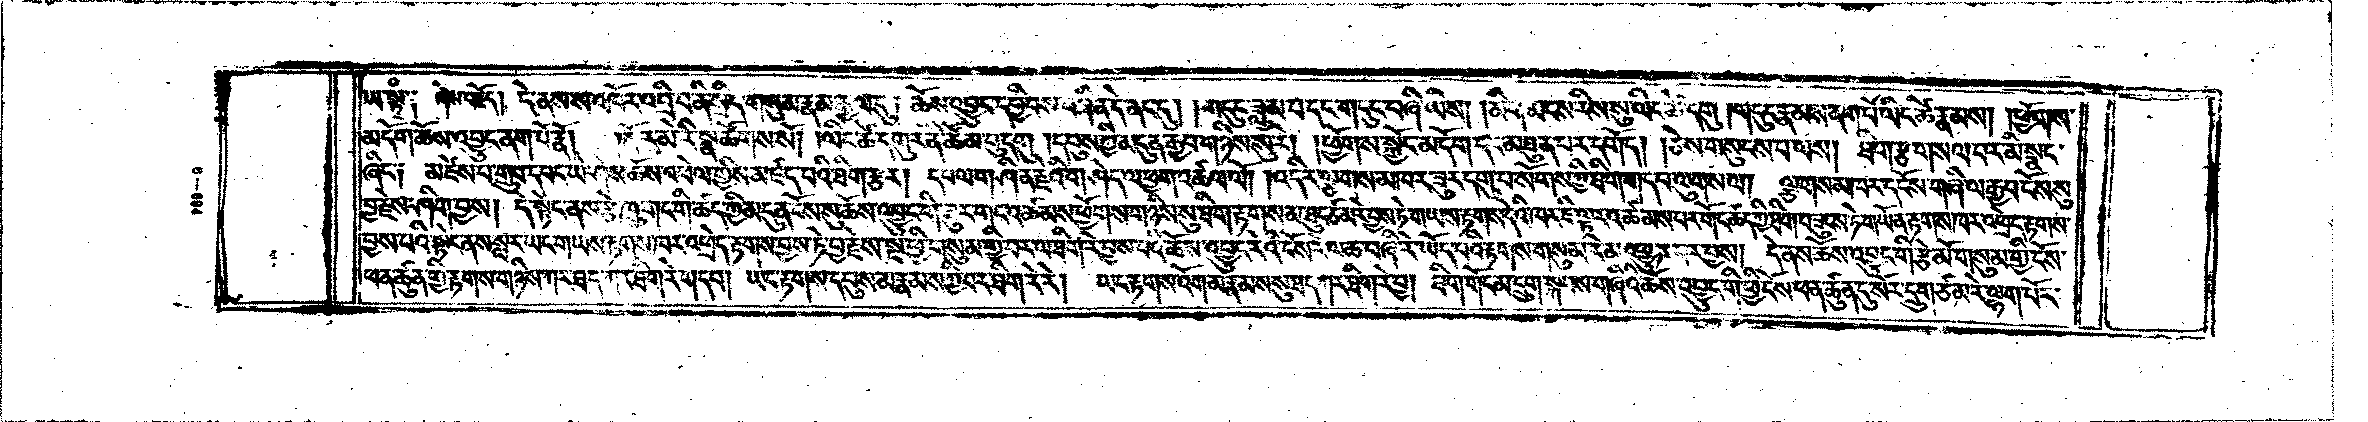ཡ་སྟྭཾ༑ ཞེས་བརྗོད། དེ་ནས་འཁོར་འབྲི་པ་ནི་སྲིད་གསུམ་རྣམ་རྒྱལ་དུ། ཆོས་འབྱུང་དབྱིངས་བཞིན་དེ་ནང་དུ། །གདུང་ཟླུམ་པ་དང་གདུང་བཞི་ཡིས། །མིག་མངས་རིས་སུ་མིང་ཚེ་དགུ །གདུང་རྣམས་ནག་པོ་ལིང་ཚེ་རྣམས། །ཕྱོགས་
མདོག་ཆོས་འབྱུང་ནག་པོ་རྣོ། །རྡོ་རུ་མེ་རི་སྣ་ཚོགས་སོ། །ལིང་ཚེ་དགུར་ནི་ཚོམ་བུ་དགུ །དབུས་ཀྱི་མདུན་རྒྱབ་གཉིས་སུ་རེ། །ཕྱོགས་སྐྱོང་མདོར་དང་མཐུན་པར་དགོད། །ཅེས་གསུངས་པ་ལས། །ཐིག་རྩ་གསལ་བར་མི་སྣང་
ཞིང༑ མཛེས་པ་གྲུབ་དབང་ཡེ་ཤེས་ཆོས་འཕེལ་གྱིས་མཛད་པའི་ཐིག་རྩར། དཔལ་གཤིན་རྗེའི་གཤེད་ལ་ཕྱག་འཚལ་ལོ། །འདིར་ལྕགས་མཁར་ཟུར་དགུ་པ་སོགས་ཀྱི་ཐིག་གདབ་ལུགས་ལ། ལྕགས་མཁར་དངོས་གཞི་ལ་རྒྱབ་ངོས་སུ་
བྱ་རྗེས་ཤིག་བྱས། དེ་སྟོང་ནས་རྩེ་ཁྲུ་གང་གི་ཚད་ཀྱི་མདུན་ངོས་སུ་ཆོས་འབྱུང་གི་ཟུར་གང་འཚམས་ཕྱོགས་གཉིས་སུ་ཐིག་རྟགས་མཐུན་ཙམ་རེ་བྱས་ཏེ་གཡས་རྟགས་དེའི་ཁར་ཇི་ལྟར་འཚམས་པར་གོང་ཚད་ཀྱི་ཐིག་བཟུངས་ཏེ་གཡོན་རྟགས་ཁར་འཕྲེད་རྟགས་
བྱས་པའི་སྟེང་ནས་སླར་ཡང་གཡས་རྟགས་ཁར་འཕྲེད་རྟགས་བྱས་ཏེ་བྱ་རྗེས་སྔ་ཕྱི་གསུམ་གྱི་བར་ལ་ཟིག་རེ་བྱ་པའི་ཆོས་འབྱུང་རེའི་ངོས་རེ་ལ་ཆ་བཞིར་རེ་ཡོད་པའི་རྟགས་གསུམ་རིམ་འཕྱུར་བར་བྱས། དེ་ནས་ཆོས་འབྱུང་གི་རྩེ་མོ་གསུམ་གྱི་ངོས་
ཕན་ཚུན་གྱི་རྟགས་གཉིས་ཀར་ཐིག་རེ་གདབ། ཡང་རྟགས་དབུས་མ་རྣམས་ཀྱི་བར་ཐིག་རེ་རེ། ཡང་རྟགས་འོག་མ་རྣམས་སུ་ཐད་ཀར་ཐིག་རེ་བྱ། ཐིག་གོང་མ་དྲུག་སྐབས་གཞིའི་ཆོས་འབྱུང་གི་ཕྱི་ངོས་ཕན་ཚུན་དུ་སོར་དྲུག་ཙམ་རེ་ལྷག་པོར་